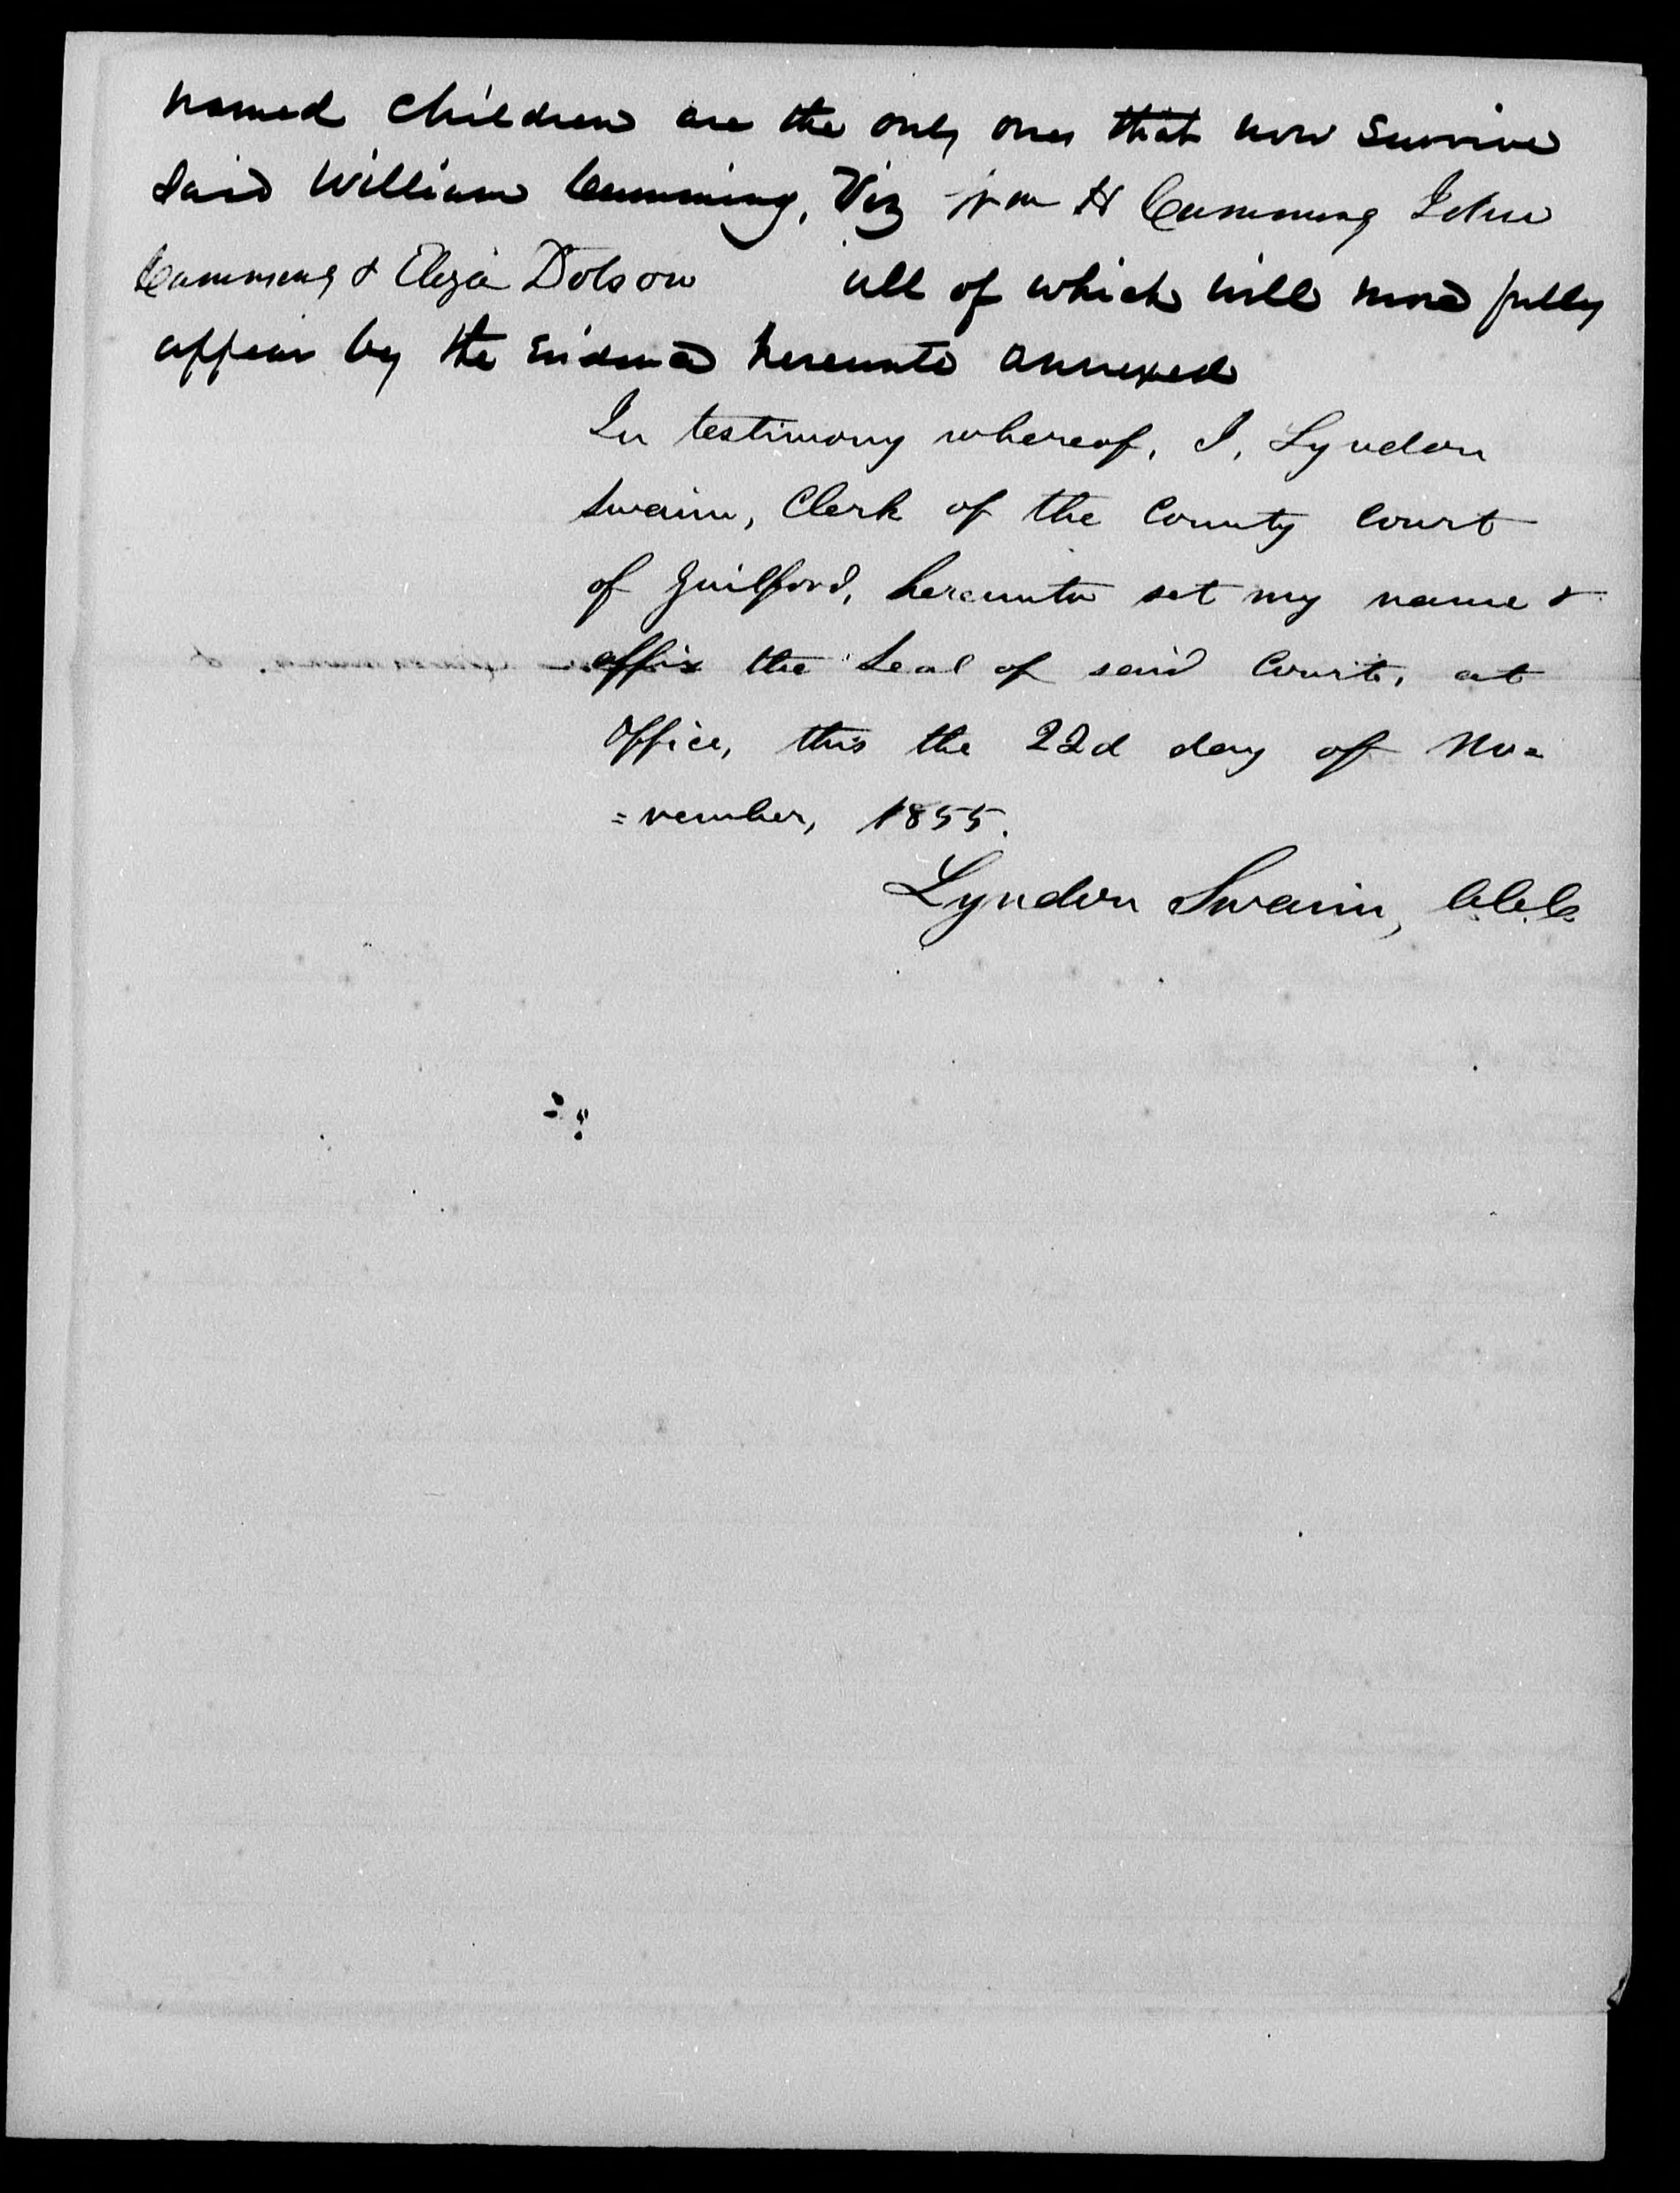[Handwritten record, continued.]

named Children are the only ones that now Survive Said William Cumming, Viz [here the next three names are in lighter ink]  Wm H Cumming  John Cummins [or Cumming] and Eliza Dotson  [darker ink resumes] all of which will more fully appear by the Evidence hereunto Annexed

[In lighter ink]  In testimony whereof, I, Lyndon Swain [or Swaim], Clerk of the County Court of Guilford, hereunto set my name and affix the Seal of said Court, at Office, this the 22nd day of November, 1855.
Lyndon Swaim [or Swain], CCC  [probably meaning Clerk of the County Court.]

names: Lyndon Swaim, Eliza Dotson, Lyndon Swaim, Wm H Cumming, John Cumming, William Cumming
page: 5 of 145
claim: survivor's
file: S. 8265, William Cumming, N.C.